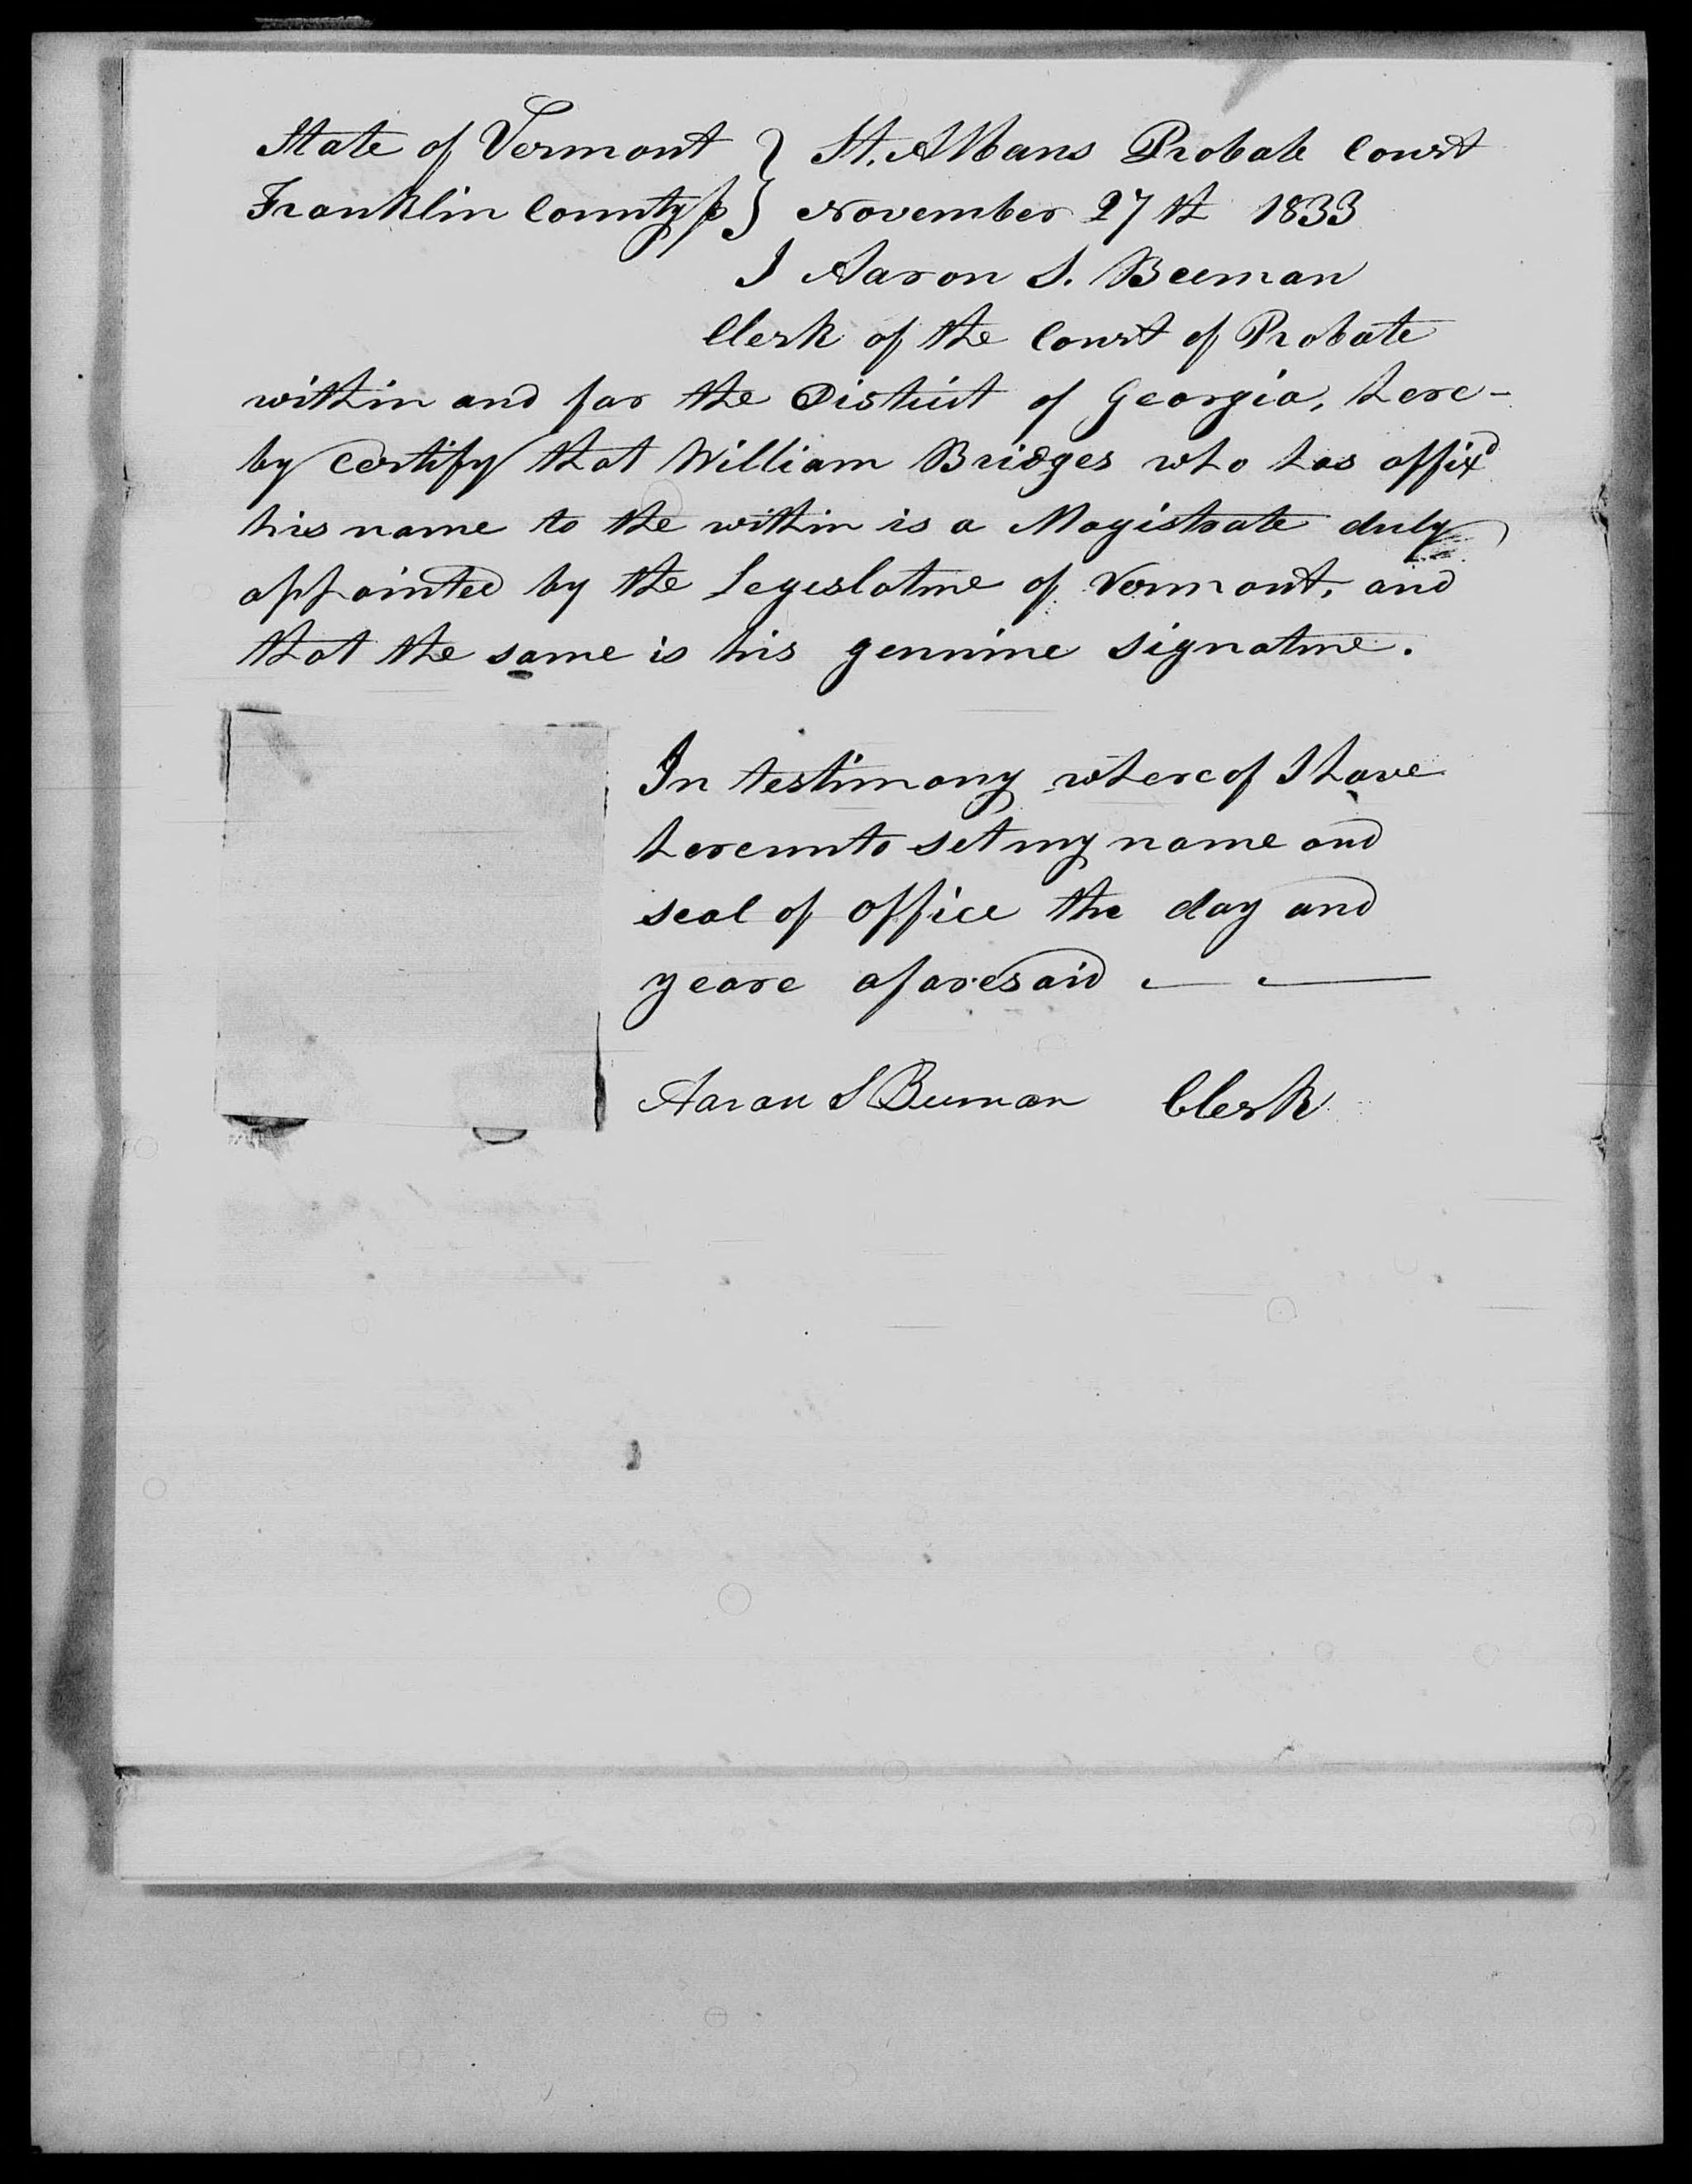State of Vermont Franklin County ss
St. Albans Probate Court November 27th 1833
I Aaron S Beeman Clerk of the Court of Probate
within and for the District of Georgia, hereby
 certify that William Bridges who has affixed
his name to the within is a Magistrate duly
appointed by the Legislature of Vermont, and
that the same is his genuine signature.
In testimony whereof I have hereunto set my name and
seal of office the day and year aforesaid.
Aaron S Beeman  Clerk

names: William Bridges; Aaron S Beeman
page: 35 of 99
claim: widow's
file: W. 24,482, for Richard Lattin, Vermont